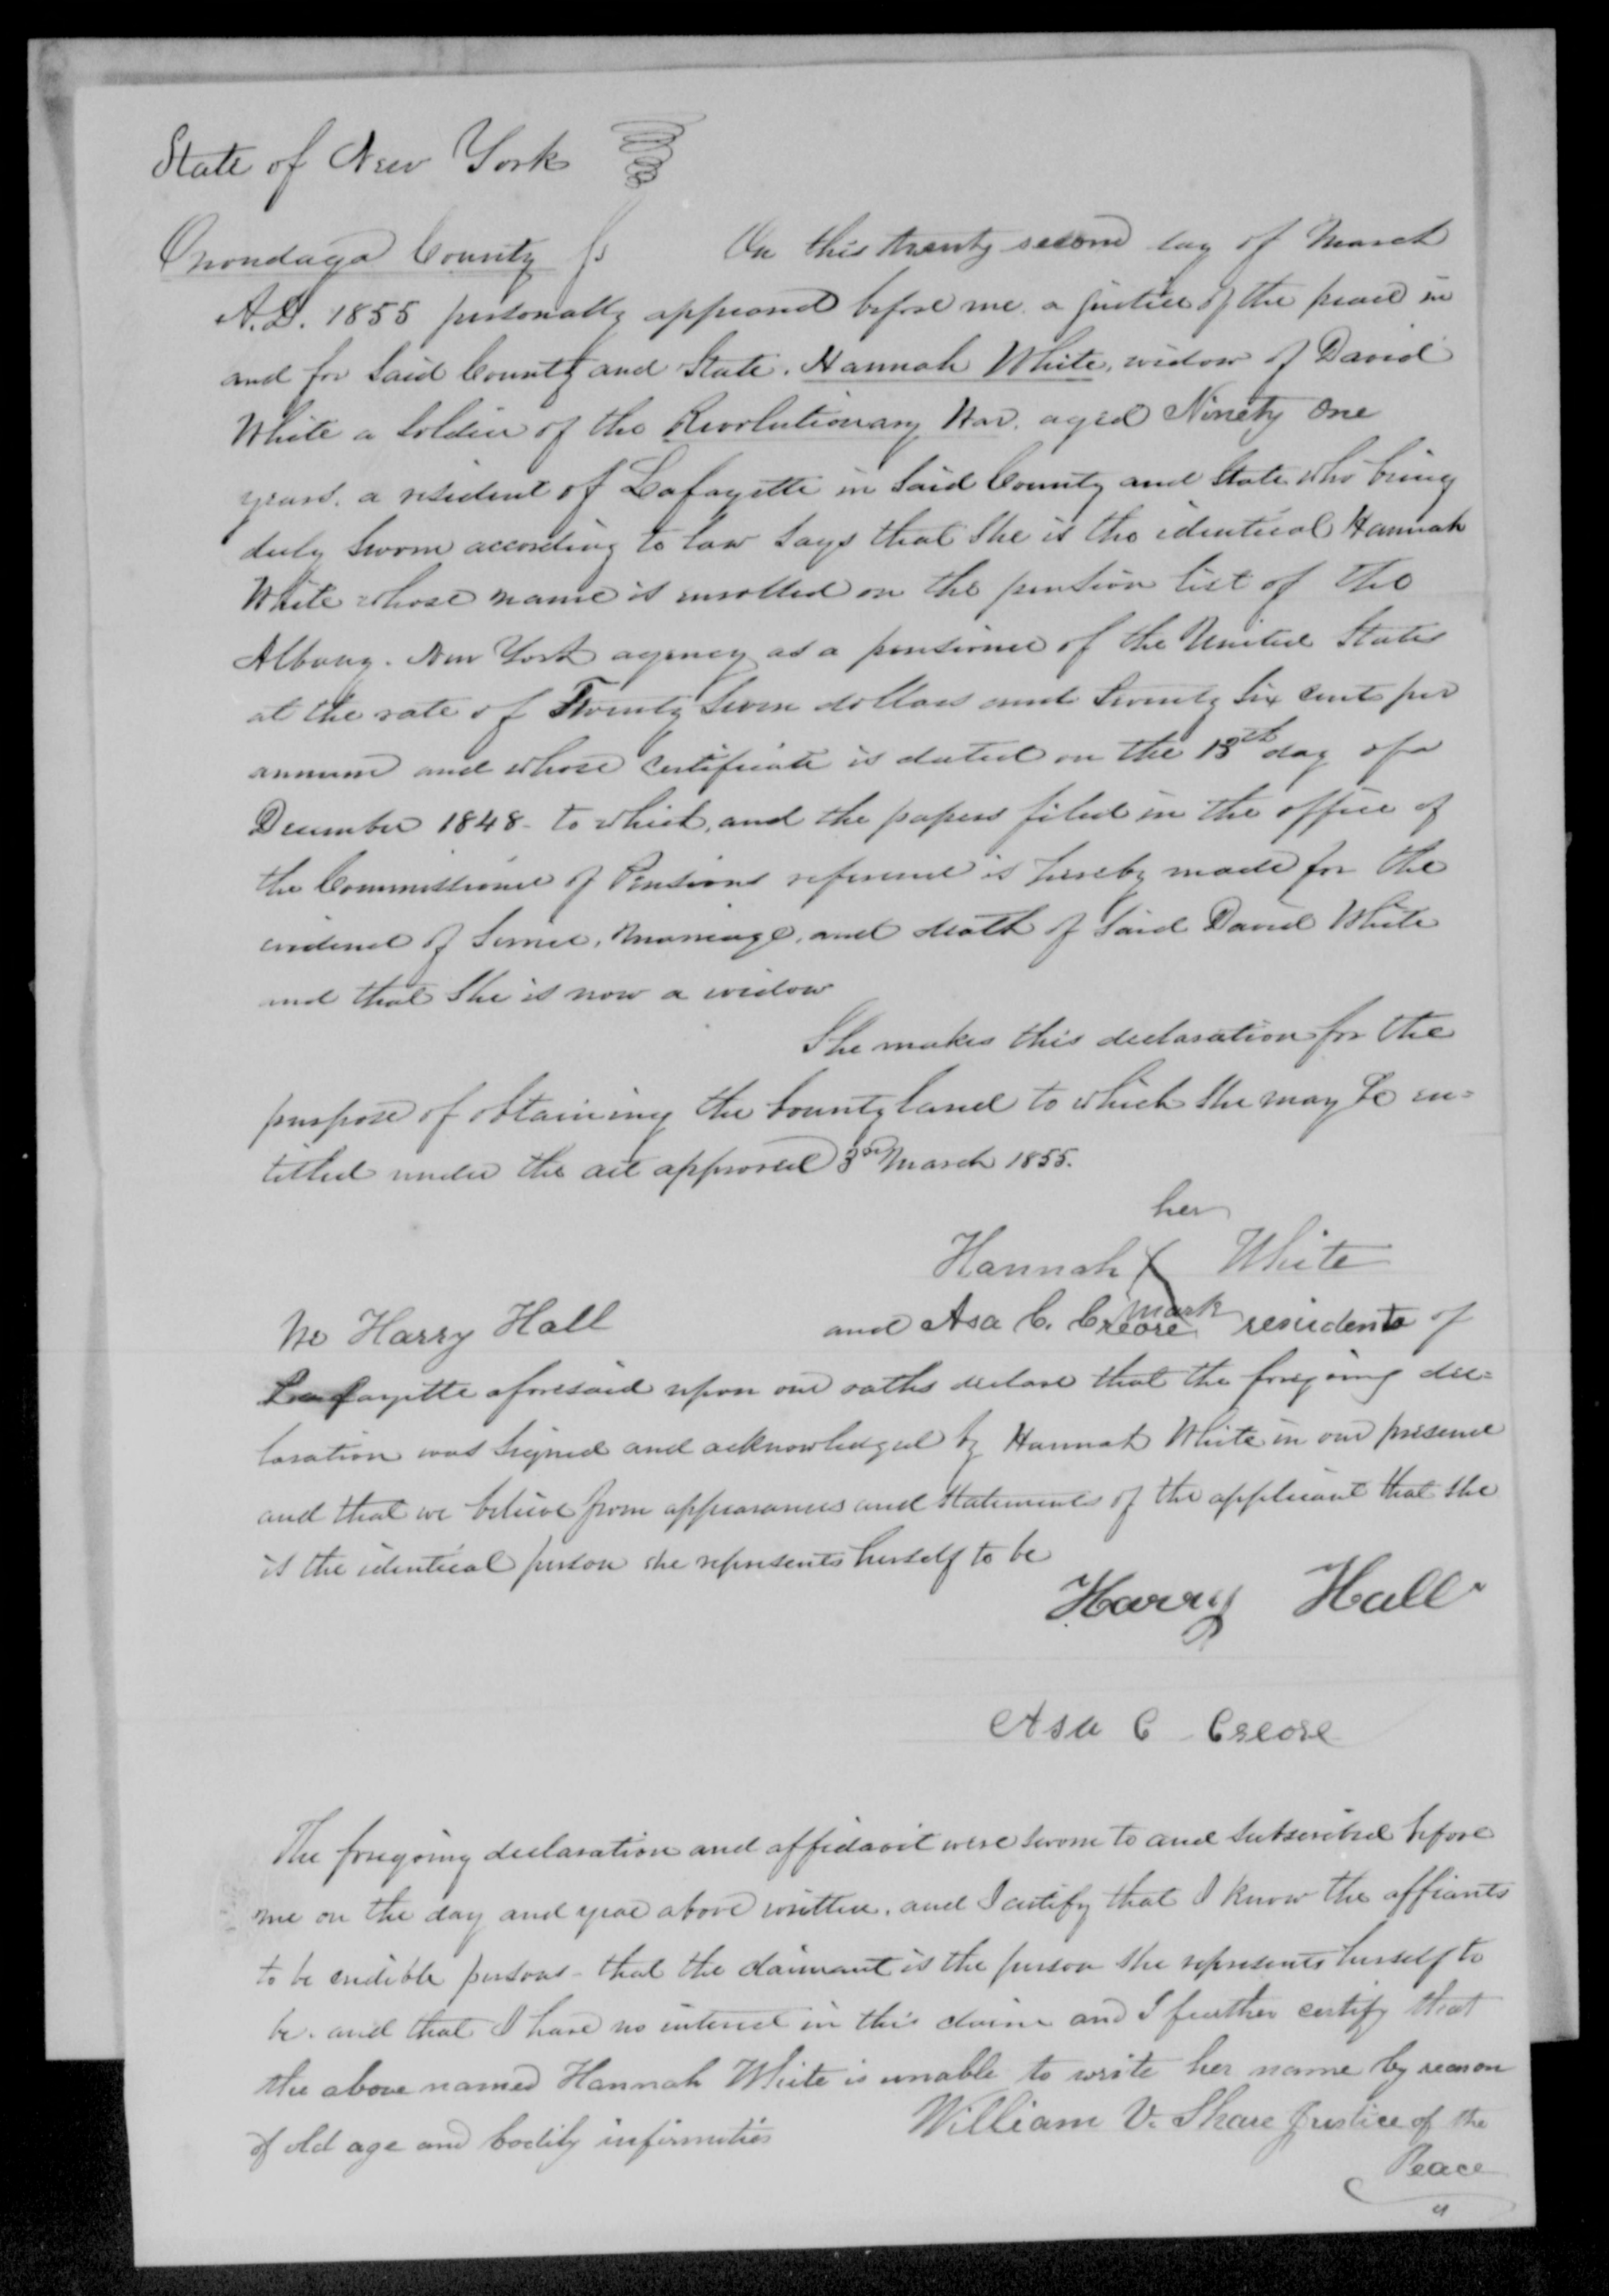State of New York

Onandaga County Ss
On this twenty second day of March A.D. 1855 personally appeared before me a justice of the peace in and for said county and state.  Hannah White, widow of David White a soldier of the Revolutionary War aged ninety one years, a resident of Lafayette in said County and State  who being duly sworn according to law says that she is the identical Hannah White whose name is inscribed on the pension list of  the Albany, New York agency as a pensioner of the United States at the rate of Twenty seven dollars and seventy six cents per annum and whose certificate is dated on the 13th day of December 1848 to which, and the papers filed in the office of the Commissioner of Pensions referenced is hereby made for the evidence of Service, marriage, and death of said David White and that she is  now a widow.
   She makes this declaration for the purpose of obtaining the bounty land to which she may be entitled under the act approved 3rd March 1855.

Hannah X(her mark) White and Asa C. Creore
residents of Lafayetter aforesaid upon our oaths  declare that the foregoing declaration was signed and acknowledged by Hannah White in our presence and that we believe from appearances and statements of the applicant that she is the identical person she represents herself to be.
( signed) Harry Hall
Asa C Creore

The foregoing decleration and affidavit were sworn to and subscribed before me on the day and year above written and I certify that I know the affiants to be credible persons - that the claimant is the person she represents herself to be and that i have no interest in this claim and I further certify that the above amed Hannah White is unable to write her name by reason of old age and bodily infirmities
(signed) Wiliam V Share  Justice of the Peace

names: David White, Asa C Creore, Harry Hall, Hannah White, William V Share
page: 32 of 63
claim: widow's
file: W. 18403, David White, Conn.